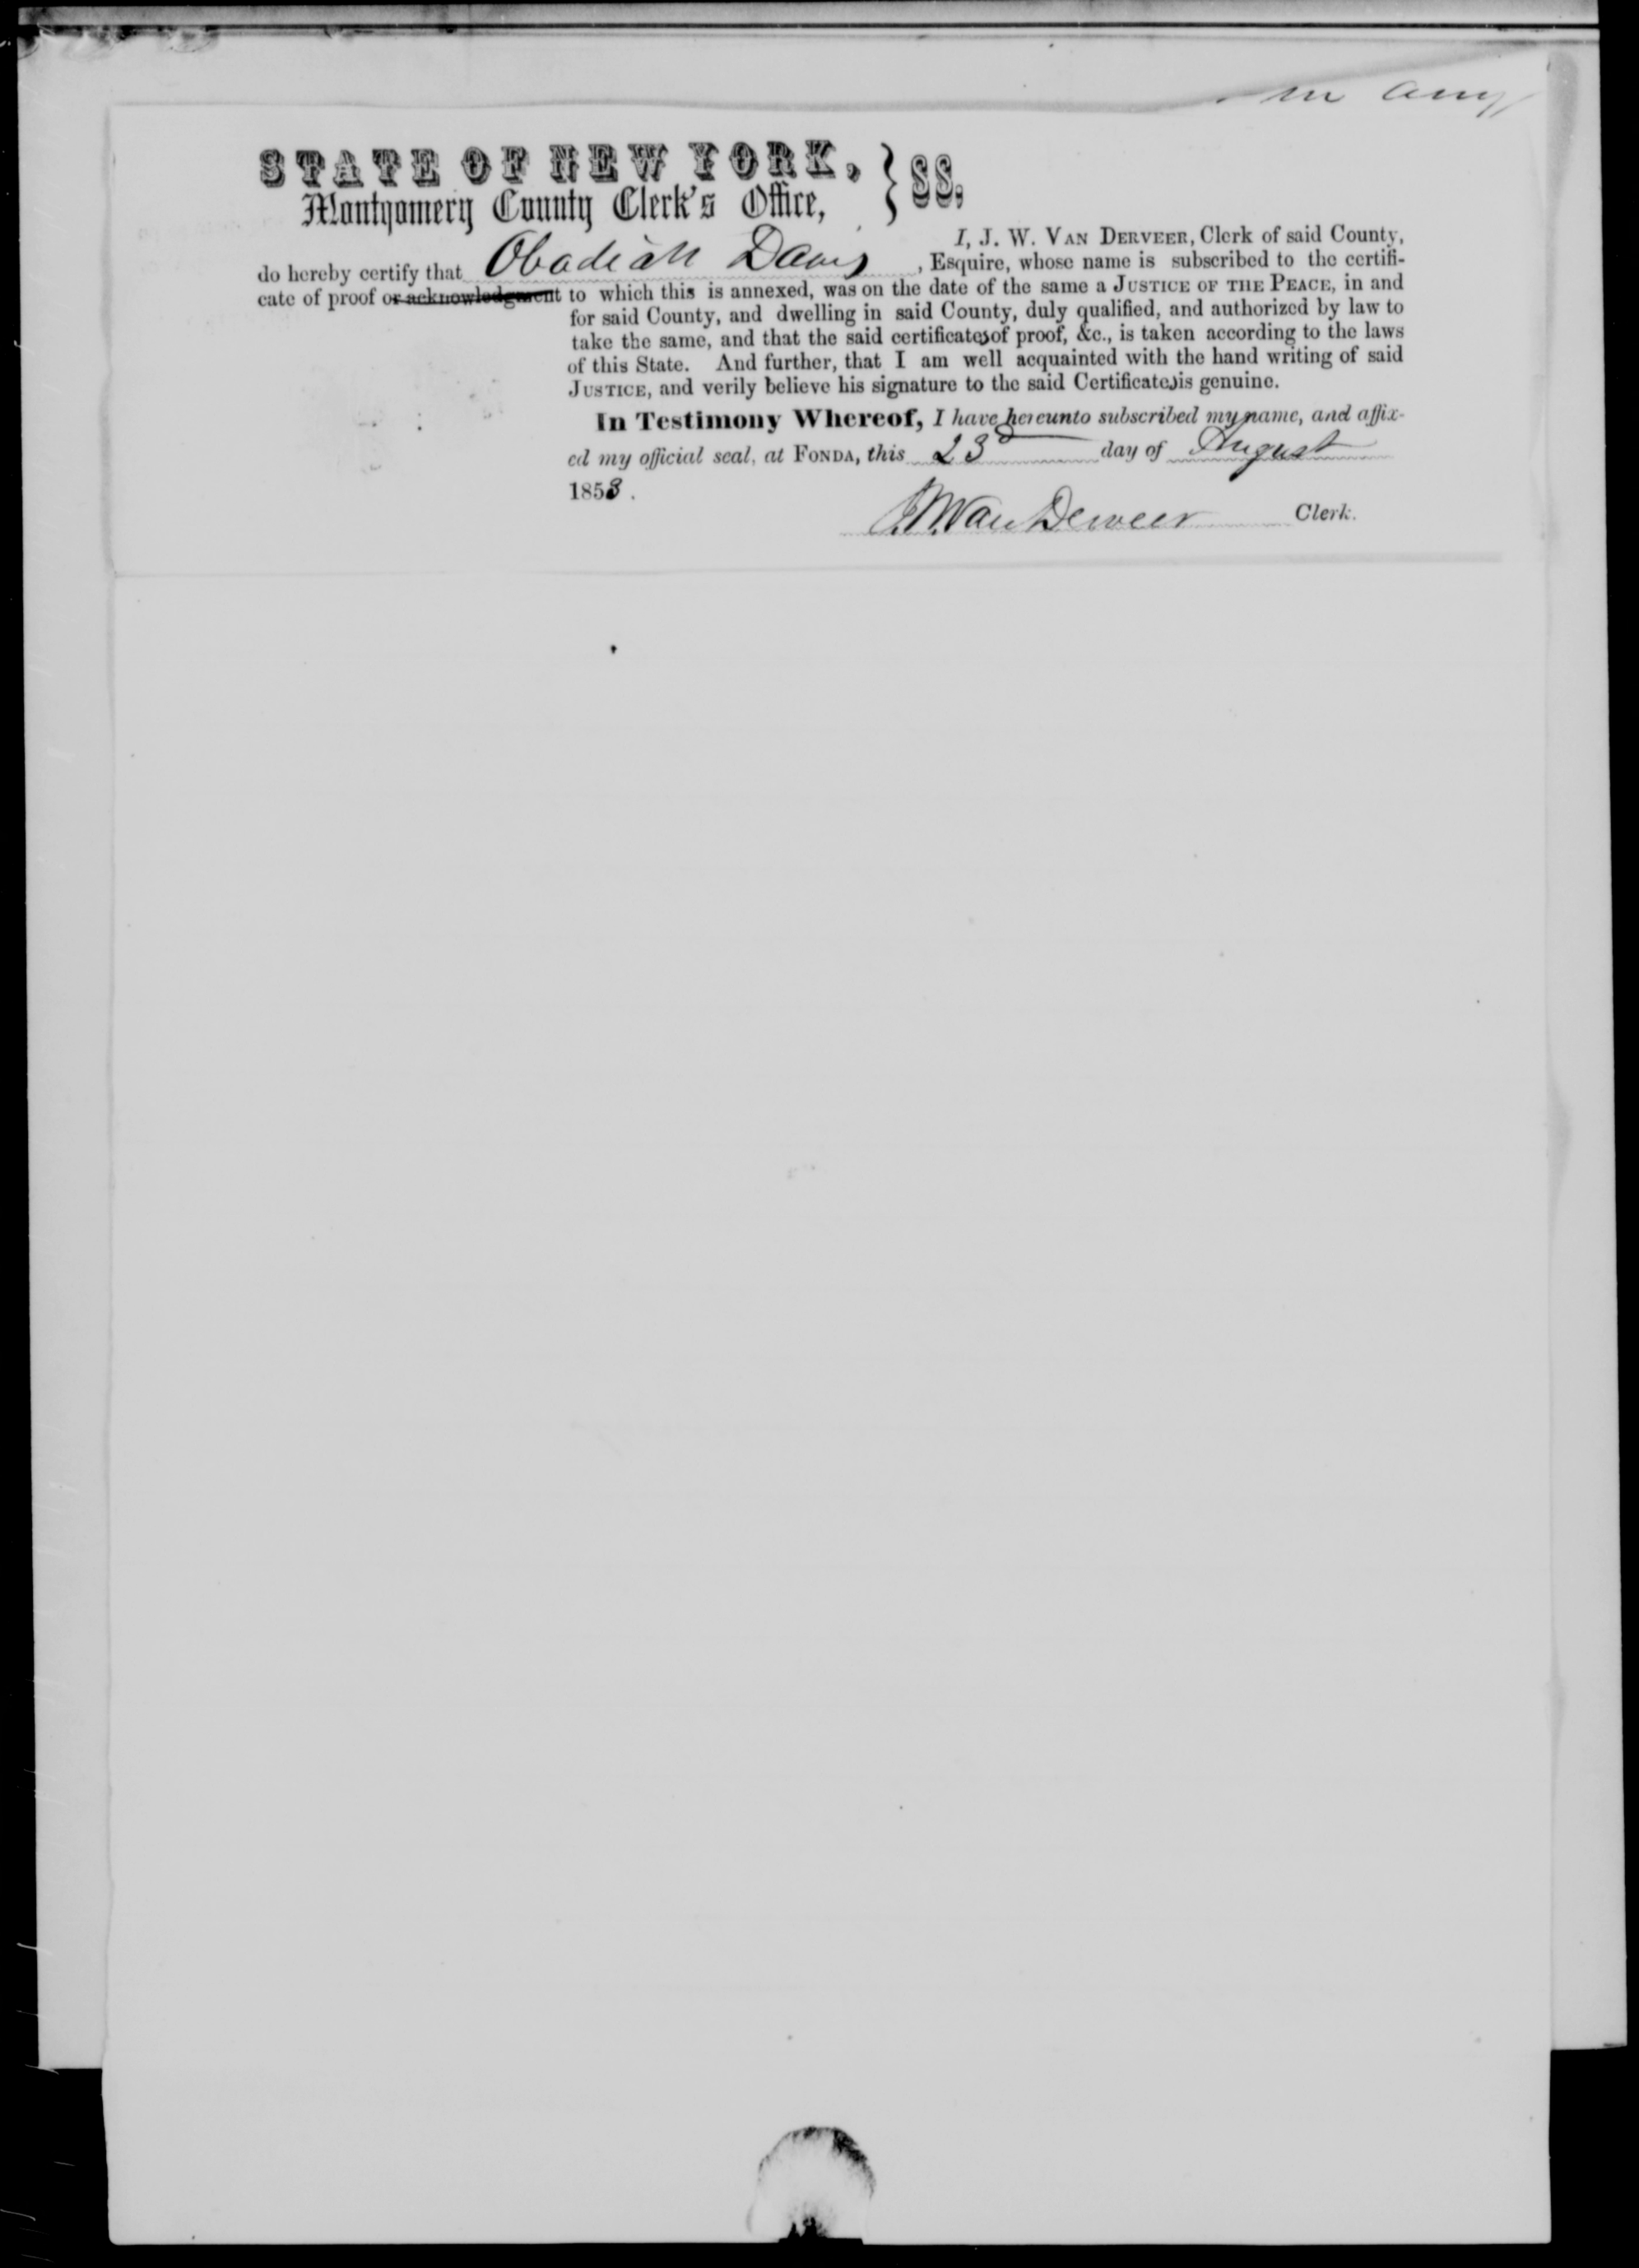State of New York, Montgomery County Clerk's Office, I, J.W. Van Derveer, Clerk of said County do hereby certify that Obadiah Davis, Esquire, whose name is subscribed to the certificate of proof to which this is annexed, was on the date of the same a Justice of the Peace, in and for said County and dwelling in said County duly qualified, and authorized by law to take the same, and that the said certificates of proof and is taken according to the laws of this State.  And further, that I am well acquainted with the hand writing of said Justice, and verily believe his signature to the said Certificate is genuine.
In testimony whereof, I have hereunto subscribed my name, and affixed my official seal, at Fonda, this 23rd day of August 1853
JW Van Derveer Clerk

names: J W Van Derveer, Obadiah Davis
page: 21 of 67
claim: widow's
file: W. 7379, George Young, New Jersey